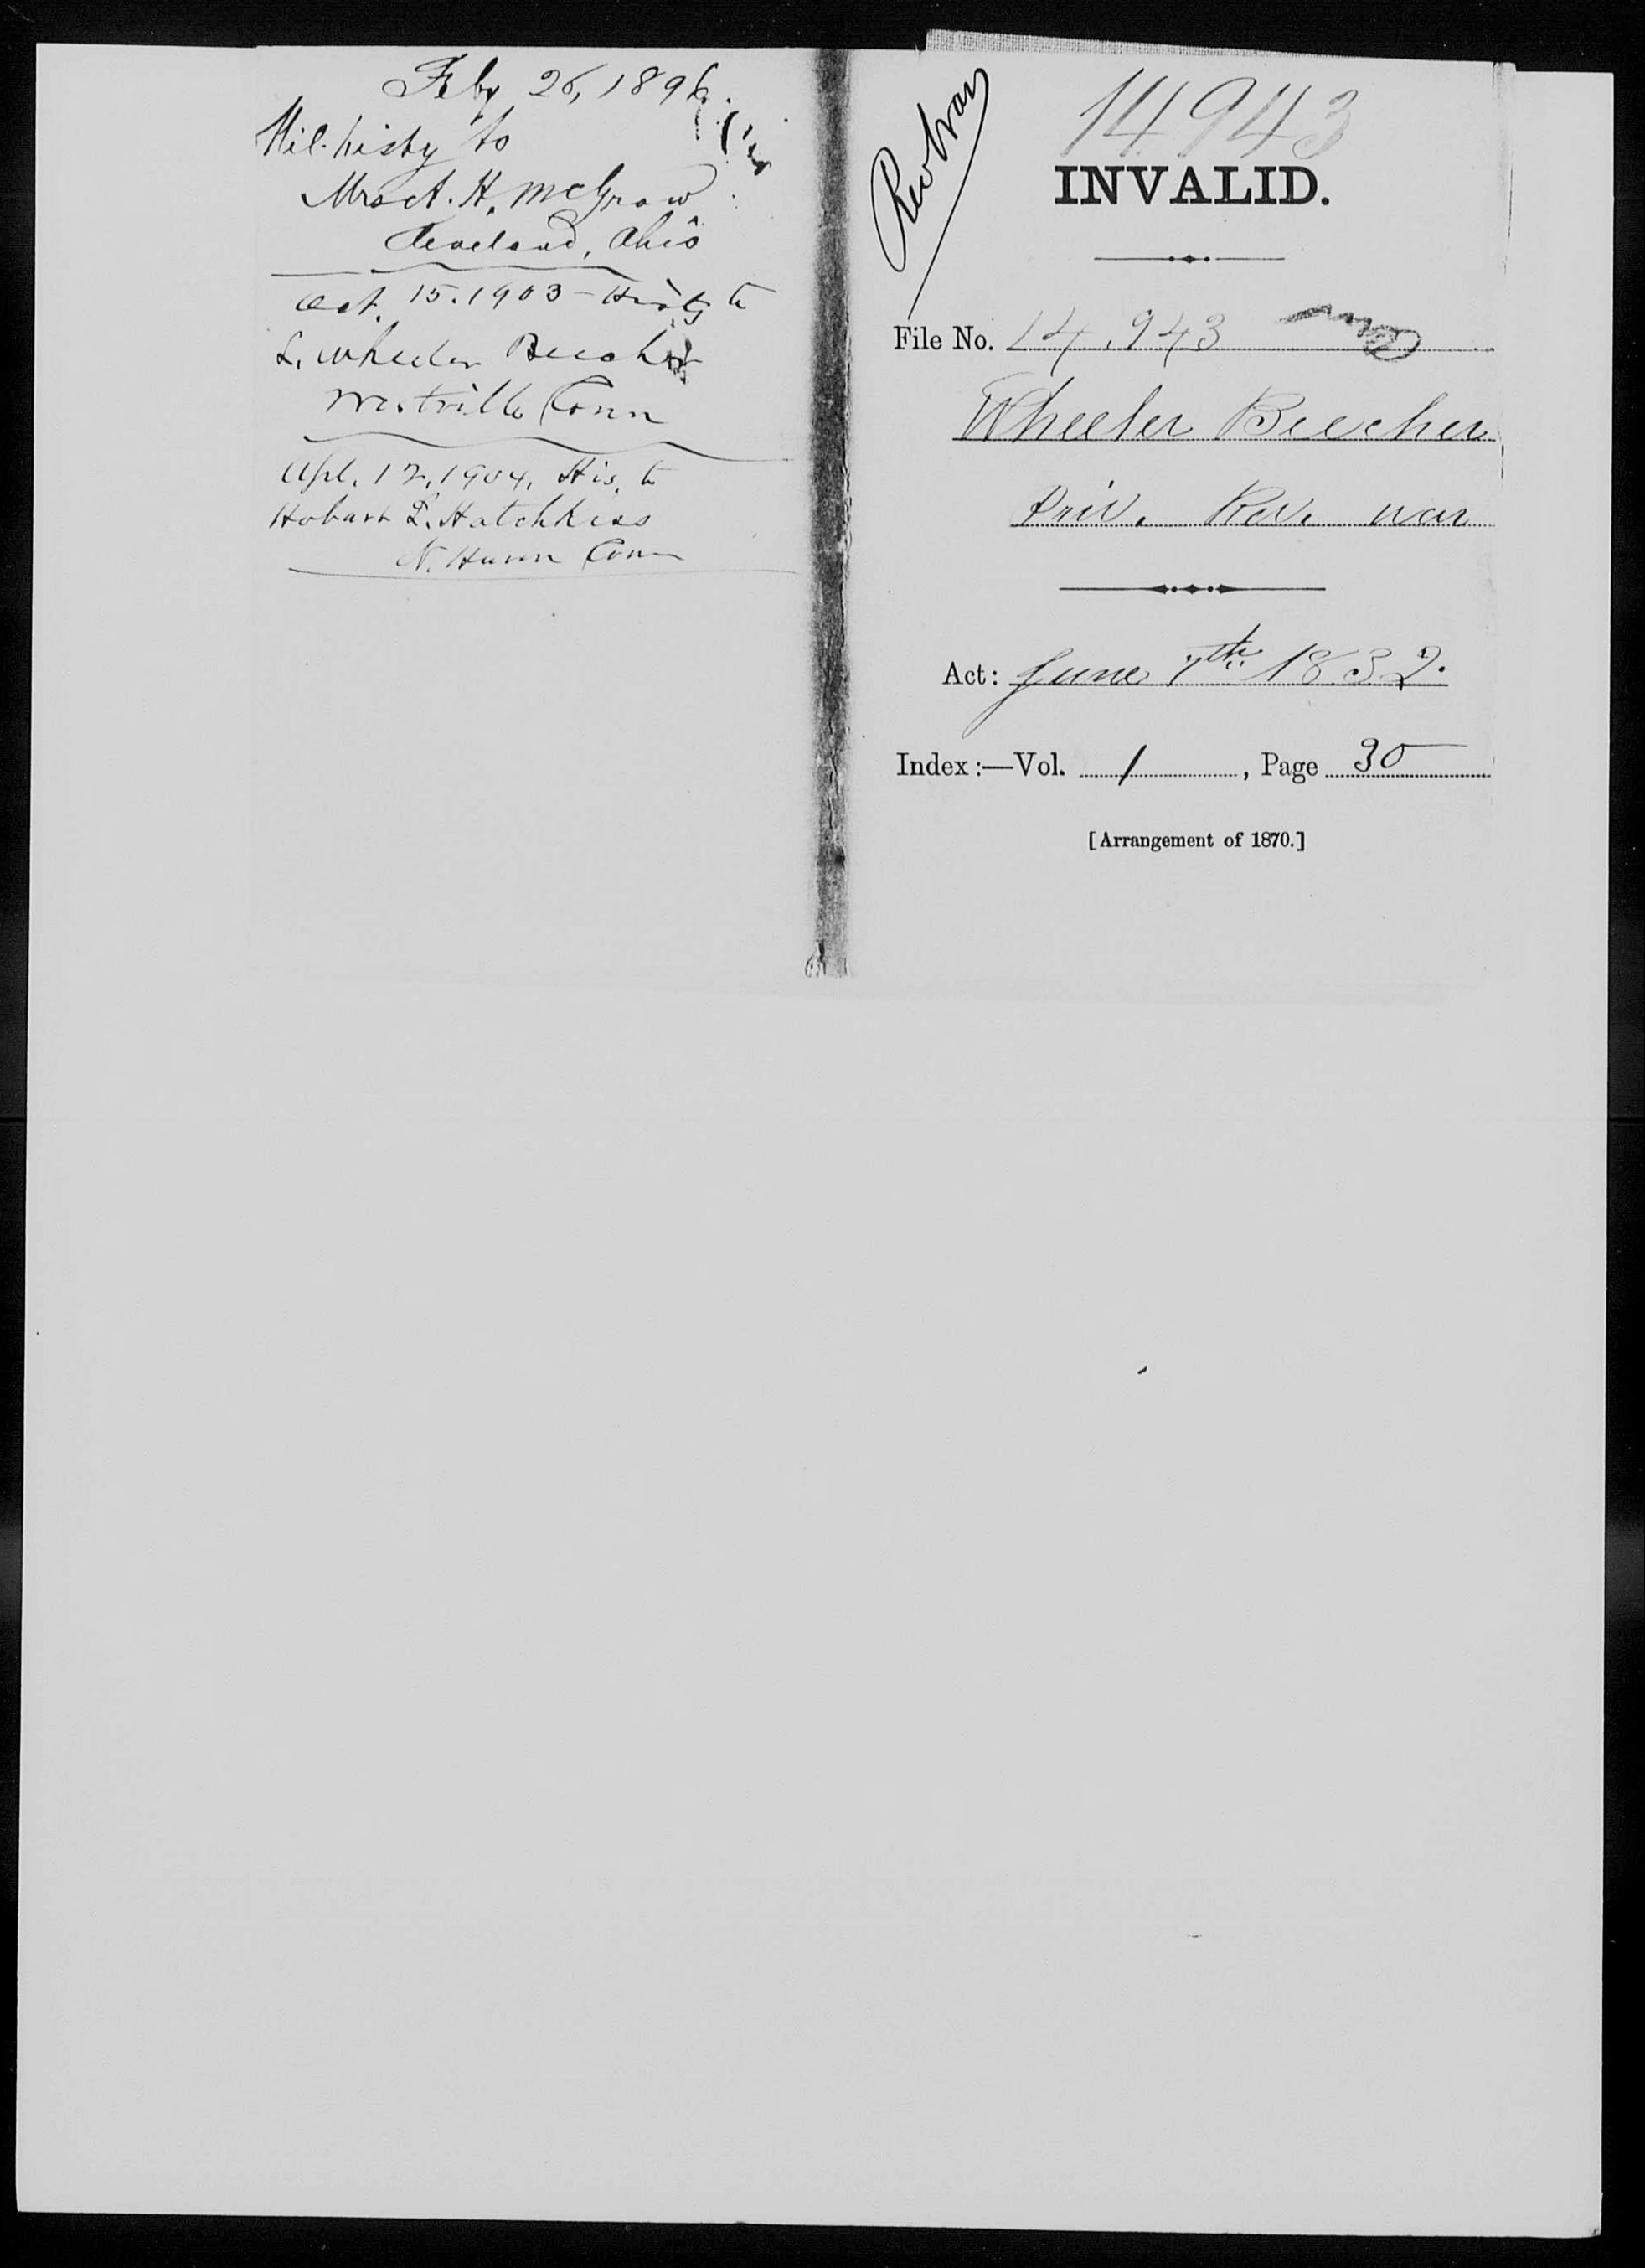RevWar
14943
INVALID.
File No. 14.943
Wheeler Beecher
Priv. Rev. War

Act: June 7th 1832
Index: - Vol. 1, Page 30
[Arrangement of 1870.]

Feb'y 26, 1896
Mil. hist'y to Mrs. A. H. McGraw Cleveland, Ohio

Oct. 15. 1903 - Hist'y to L. Wheeler Beecher 
Westville Conn

Apl. 12 1904, His. to Hobart D. Hotchkiss N. Haven Conn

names: Wheeler Beecher, Hobart D Hatchkiss, A H Mc Graw, Wheeler Beecher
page: 11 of 21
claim: survivor's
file: S. 14943, Wheeler Beecher, Conn.